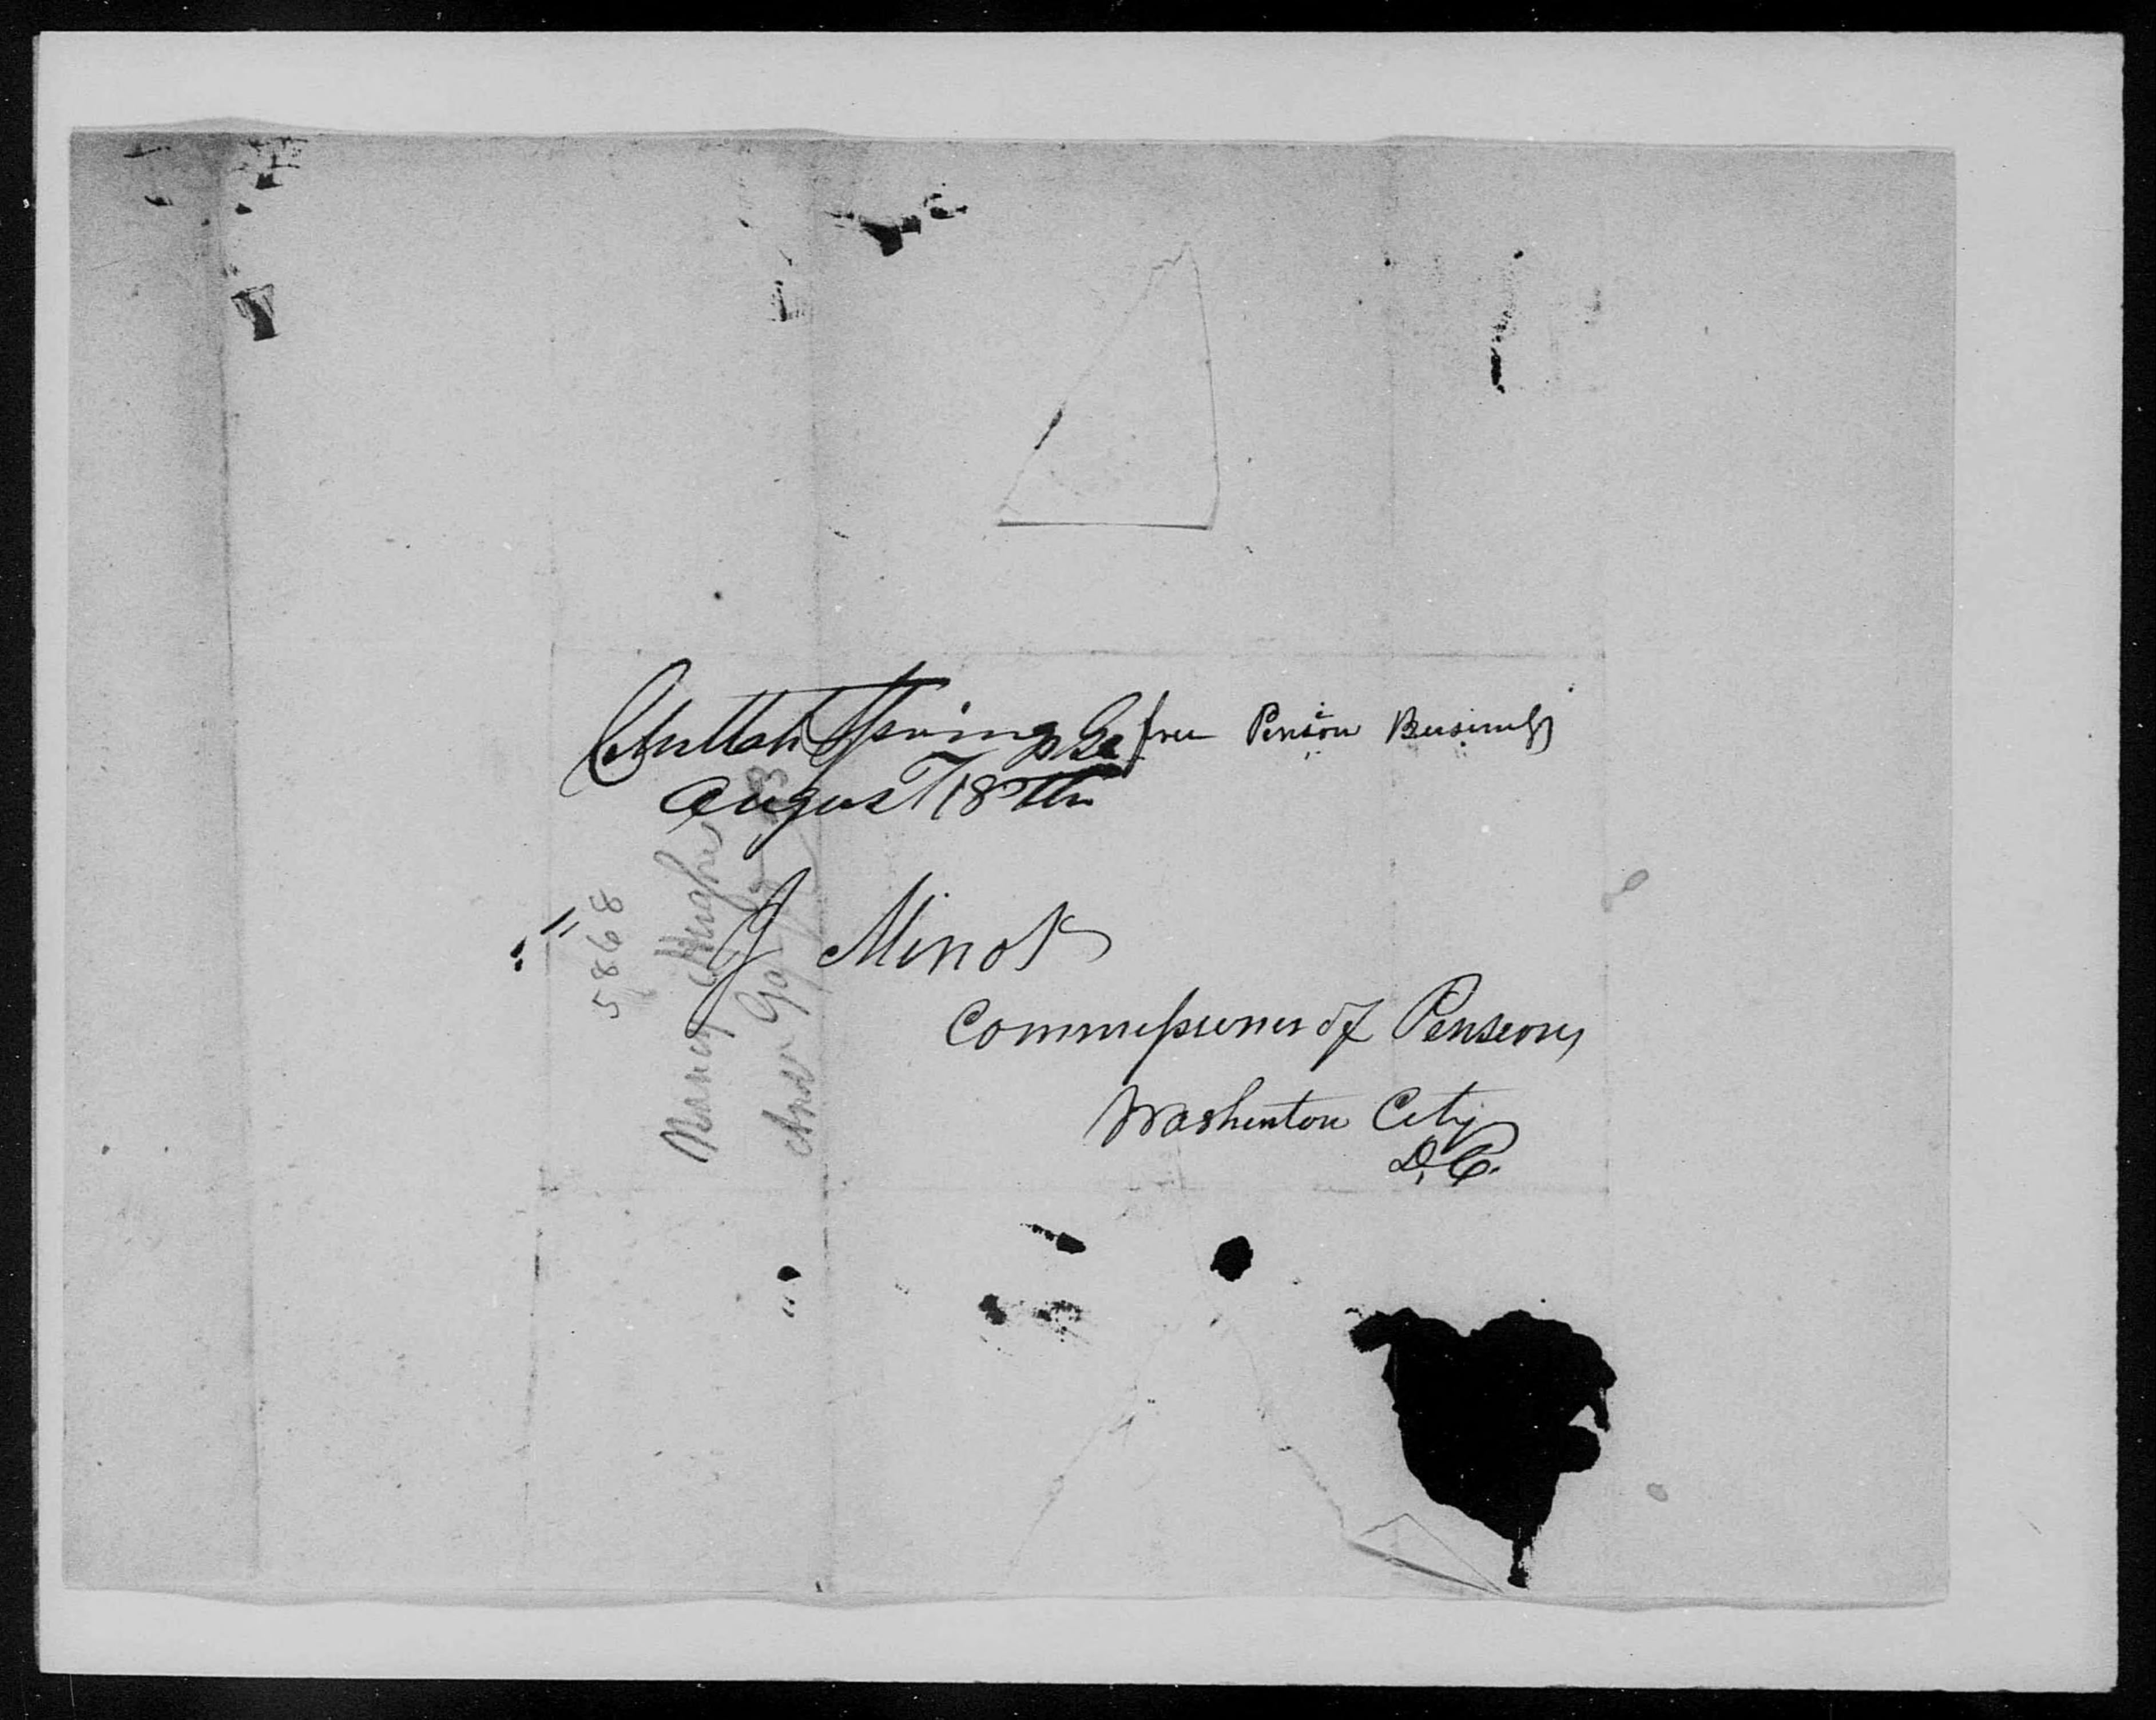Cohutta Springs GA free pension business

August 18th
J Minor
___ of pension
Washington City
D.C.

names: Nancy Hughes, J Minot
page: 48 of 75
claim: widow's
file: W. 25805, Andrew Hughes, N.C.